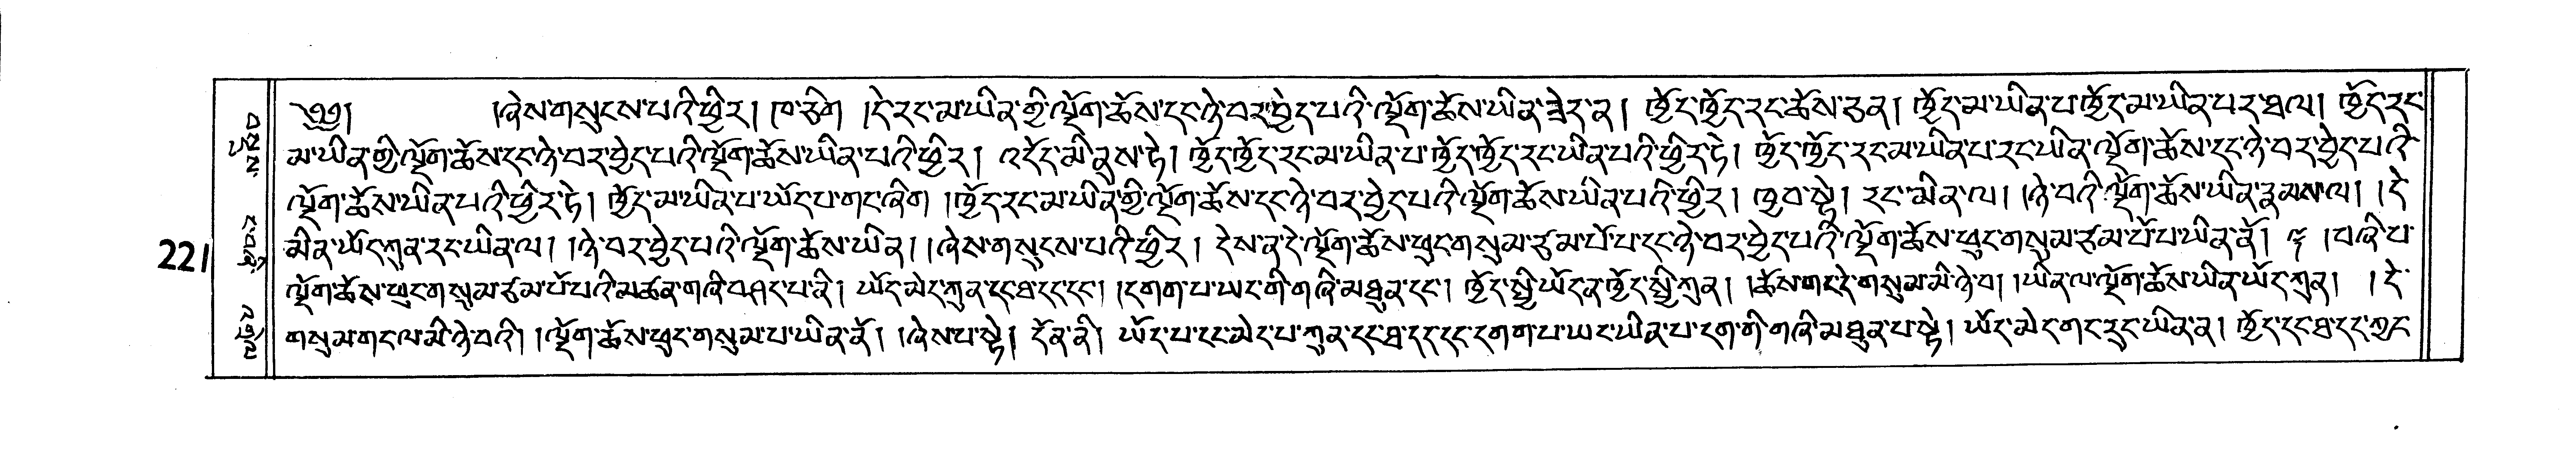༄༅། །ཞེས་གསུངས་པའི་ཕྱིར། ཁ་ཅིག །དེ་རང་མ་ཡིན་གྱི་ལྡོག་ཆོས་དང་ཉེ་བར་བྱེད་པའི་ལྡོག་ཆོས་ཡིན་ཟེར་ན། ཁྱོད་ཁྱོད་རང་ཆོས་ཅན། ཁྱོད་མ་ཡིན་པ་ཁྱོད་མ་ཡིན་པར་ཐལ། ཁྱོད་རང་
མ་ཡིན་གྱི་ལྡོག་ཆོས་དང་ཉེ་བར་བྱེད་པའི་ལྡོག་ཆོས་ཡིན་པའི་ཕྱིར། འདོད་མི་ནུས་ཏེ། ཁྱོད་ཁྱོད་རང་མ་ཡིན་པ་ཁྱོད་ཁྱོད་རང་ཡིན་པའི་ཕྱིར་ཏེ། ཁྱོད་ཁྱོད་རང་མ་ཡིན་པ་རང་ཡིན་ལྡོག་ཆོས་དང་ཉེ་བར་བྱེད་པའི་
ལྡོག་ཆོས་ཡིན་པའི་ཕྱིར་ཏེ། ཁྱོད་མ་ཡིན་པ་ཡོད་པ་གང་ཞིག །ཁྱོད་རང་མ་ཡིན་གྱི་ལྡོག་ཆོས་དང་ཉེ་བར་བྱེད་པའི་ལྡོག་ཆོས་ཡིན་པའི་ཕྱིར། ཁྱབ་སྟེ། རང་མིན་ལ། །ཉེ་བའི་ལྡོག་ཆོས་ཡིན་རྣམས་ལ། །དེ་
མིན་ཡོད་ཀུན་རང་ཡིན་ལ། །ཉེ་བར་བྱེད་པའི་ལྡོག་ཆོས་ཡིན། །ཞེས་གསུངས་པའི་ཕྱིར། དེས་ན་དེ་ལྡོག་ཆོས་ཕུང་གསུམ་ཙམ་པོ་པ་དང་ཉེ་བར་བྱེད་པའི་ལྡོག་ཆོས་ཕུང་གསུམ་ཙམ་པོ་པ་ཡིན་ནོ། ༈ །བཞི་པ་
ལྡོག་ཆོས་ཕུང་གསུམ་ཙམ་པོ་པའི་མཚན་གཞི་བཤད་པ་ནི། ཡོད་མེད་ཀུན་དང་ཐ་དད་དང་། །དགག་པ་ཡང་གི་གཞི་མཐུན་དང་། ཁྱོད་སྤྱི་ཡོད་ན་ཁྱོད་སྤྱི་ཀུན། །ཆོས་གང་དེ་གསུམ་མི་ཉེ་བ། །ཡིན་ལ་ལྡོག་ཆོས་ཡིན་ཡོད་ཀུན། །དེ་
གསུམ་གང་ལ་མི་ཉེ་བའི། །ལྡོག་ཆོས་ཕུང་གསུམ་པ་ཡིན་ནོ། །ཞེས་པ་སྟེ། དོན་ནི། ཡོད་པ་དང་མེད་པ་ཀུན་དང་ཐ་དད་དང་དགག་པ་ཡང་ཡིན་པ་དག་གི་གཞི་མཐུན་པ་སྟེ། ཡོད་མེད་གང་རུང་ཡིན་ན། ཁྱོད་དང་ཐ་དད་ཀྱང་